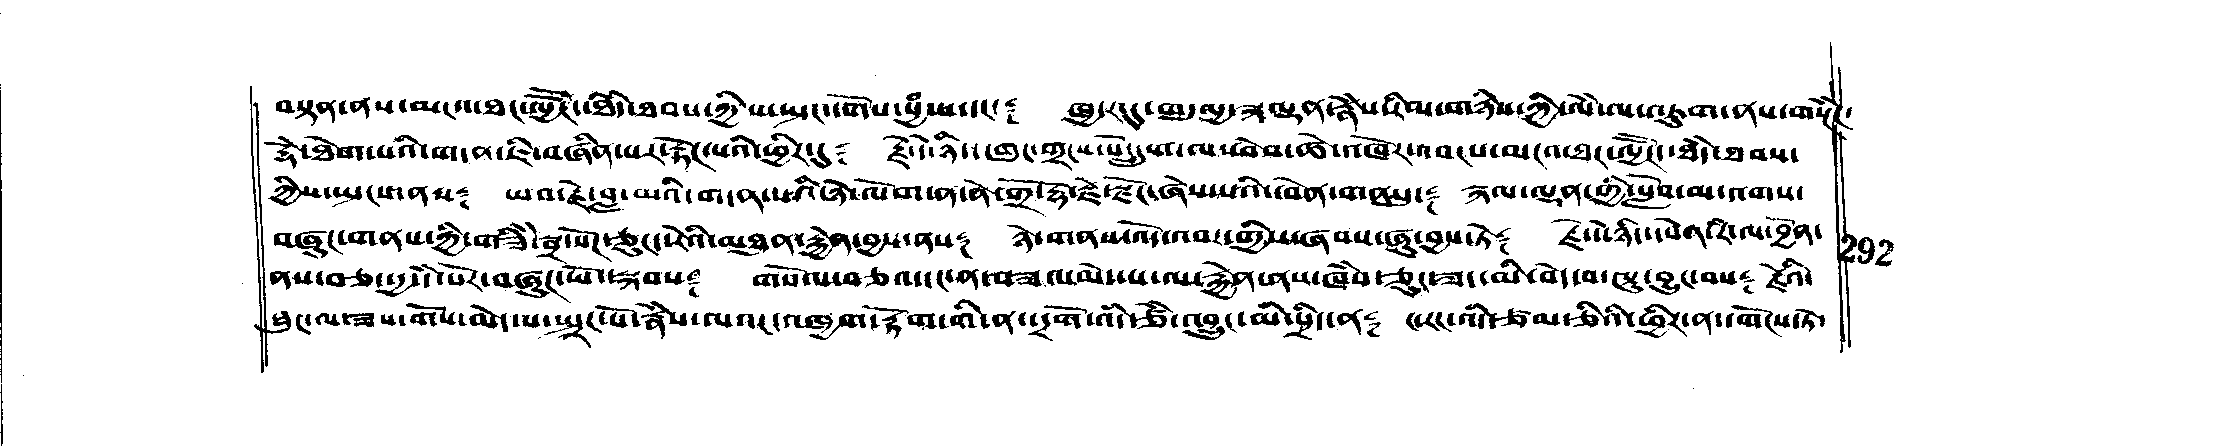བསྟན་ནས་མངའ་ཐང་ལོངས་སྤྱོད་ཐམས་ཅད་ཐབས་ཀྱིས་སྤང་དགོས་གསུང་པ་དང་། ཁྱད་པར་དུ་གདུལ་བྱ་སྐལ་ལྡན་རྣམས་རིམ་གཉིས་ཀྱི་ལམ་ལ་འཇུག་ནས་གསང་སྔགས་
རྡོ་རྗེ་ཐེག་པའི་གདན་ཇི་བཞིན་པར་རྟོགས་པའི་ཕྱིར་དུ། རྗེ་དེ་ཉིད་དགུང་གྲངས་སོ་དྲུག་ལ་ཕེབས་ཚེ་འཁོར་འབངས་མངའ་ཐང་ལོངས་སྤྱོད་ཐམས་ཅད་ཐབས་
ཀྱིས་སྤངས་ནས། ཡབ་རྗེ་བླ་མའི་གདན་སའི་ཉེ་ལོགས་ན་ནེ་གྲོ་རྡོ་རྗེ་རྫོང་ཞེས་པའི་དབེན་གནས་སུ། སྐལ་ལྡན་གྱི་སློབ་མ་འགས་
བཞུགས་གནས་ཀྱི་གཟིམ་སྦྲ་སོགས་ཅུང་ཟད་རེའི་མཐུན་རྐྱེན་བྱས་ནས། ཉེ་གནས་འོད་འབར་གྱིས་ཞབས་ཞུ་བྱས་ཏེ། རྗེ་དེ་ཉིད་དབེན་རི་ལ་བྱོན་
ནས་བཅད་རྒྱ་དམ་པོར་བཞུགས་ཡོད་སྐབས། གསོལ་བཅའ་དང་ན་བཟའ་མེད་པ་ལ་རྐྱེན་ནས་ཁམས་ཅུང་ཟད་མི་བདེ་བ་ལྟ་བུ་བྱུང་བས། རྗེའི་
ཐུགས་ལ་ཟས་གོས་མེད་པ་སྤྲང་པོ་རྣམས་ལའང་འཁྱག་ལྟོག་གི་ནད་དྲག་པོ་འདི་ཙམ་འབྱུང་མི་སྲིད་ན།ང་རང་འདི་ཙམ་ཅིའི་ཕྱིར་ན་དགོངས་ཏེ་